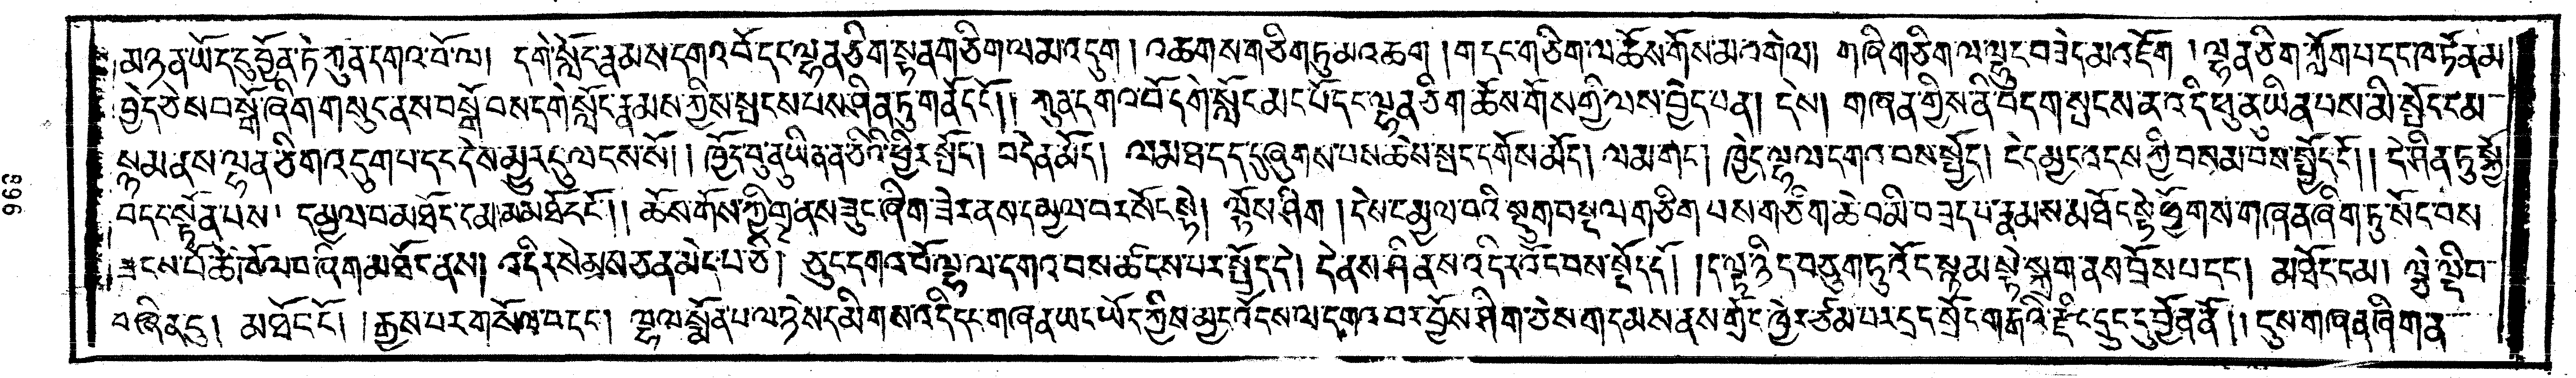མཉན་ཡོད་དུ་བྱོན་ཏེ་ཀུན་དགའ་བོ་ལ། དགེ་སློང་རྣམས་དགའ་བོ་དང་ལྷན་ཅིག་སྟན་གཅིག་ལམ་འདུག། འཆགས་གཅིག་ཏུ་མ་འཆག །གདང་གཅིག་ལ་ཆོས་གོས་མ་འགེལ། གཞི་གཅིག་ལ་ལྷུང་བཟེད་མ་འཇོག །ལྷན་ཅིག་ཀློག་པ་དང་ཁ་ཏོན་མ་
བྱེད་ཅེས་བསྒོ་ཞིག་གསུང་ནས་བསྒོ་བས་དགེ་སློང་རྣམས་ཀྱིས་སྤངས་པས་ཤིན་ཏུ་གནོད་ངོ།། ཀུན་དགའ་བོ་དགེ་སློང་མང་པོ་དང་ལྷན་ཅིག་ཆོས་གོས་གྱི་ལས་བྱེད་པ་ན། དེས། གཞན་གྱིས་ནི་བདག་སྤངས་ན་འདི་ཕུ་ནུ་ཡིན་པས་མི་སྤོང་ངམ་
སྙམ་ནས་ལྷན་ཅིག་འདུག་པ་དང་དེས་མྱུར་དུ་ལངས་སོ། །ཁྱོད་བུ་ནུ་ཡིན་ན་ཅིའི་ཕྱིར་སྤོང་། བདེན་མོད། ལམ་ཐ་དད་དུ་ཞུགས་པས་ཆེས་སྤང་དགོས་མོད། ལམ་གང་། ཁྱེད་ལྷ་ལ་དགའ་བས་སྤྱོད། ངེད་དམྱང་འདས་ཀྱི་བསམ་བས་སྤྱོད་ངོ།། དེ་ཤིན་ཏུ་སྐྱོ་
བ་དང་སྟོན་པས། དམྱལ་བ་མཐོང་ངམ་མ་མཐོང་ངོ།། ཆོས་གོས་ཀྱི་གྲྭ་ནས་ཟུང་ཞིག་ཟེར་ནས་དམྱལ་བར་སོང་སྟེ། ལྟོས་ཤིག །དེས་དམྱལ་བའི་སྡུག་བསྔལ་གཅིག་པས་གཅིག་ཆེ་བ་མི་བཟད་པ་རྣམས་མཐོང་སྟེ་ཕྱོགས་གཞན་ཞིག་ཏུ་སོང་བས་
ཟངས་པོ་ཚེ་ཁོལ་བ་ཞིག་མཐོང་ནས། འདིར་སེམས་ཅན་མེད་པ་ཅི། ཅུང་དགའ་བོ་ལྷ་ལ་དགའ་བས་ཚངས་པར་སྤྱོད་དེ། དེ་ནས་ཤི་ནས་འདིར་འོང་བས་སྔོད་དོ། །ད་ལྟ་ཉིད་བཅུག་ཏུ་འོང་སྙམ་སྟེ་སྐྲག་ནས་བྲོས་པ་དང་། མཐོང་ངམ། ལྕེ་ལྡེབ་
བཞིན་དུ། མཐོང་ངོ། །རྒྱས་པར་གསོལ་བ་དང་། ལྷལ་སྨོན་པ་ལ་ཉེས་དམིགས་འདི་དང་གཞན་ཡང་ཡོད་ཀྱིས་མྱང་འོངས་ལ་དགའ་བར་བྱོས་ཤིག་ཅེས་གདམས་ནས་གྲོང་ཁྱེར་ཙམ་པར་དྲད་སྲོང་གངྒའི་རྫིང་དྲུང་དུ་བྱོན་ནོ། །དུས་གཞན་ཞིག་ན་